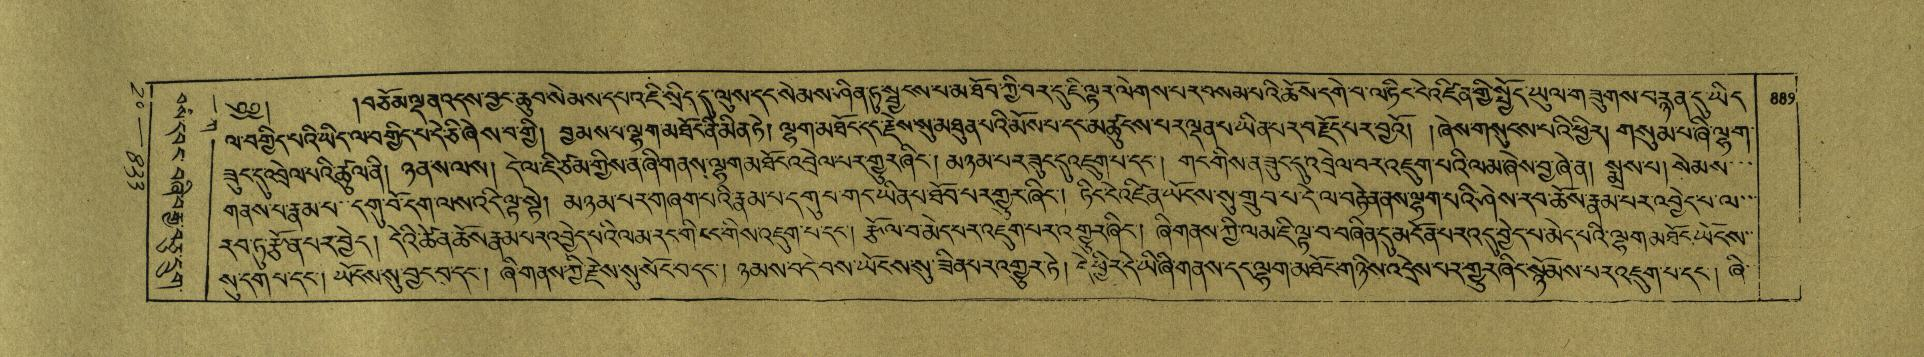༄༅། །བཅོམ་ལྡན་འདས་བྱང་ཆུབ་སེམས་དཔའ་ཇི་སྲིད་དུ་ལུས་དང་སེམས་ཤིན་ཏུ་སྦྱངས་པ་མ་ཐོབ་ཀྱི་བར་དུ་ཇི་ལྟར་ལེགས་པར་བསམ་པའི་ཆོས་དགེ་བ་ལ་ཏིང་ངེ་འཛིན་གྱི་སྤྱོད་ཡུལ་གཟུགས་བརྙན་དུ་ཡིད་
ལ་བགྱིད་པའི་ཡིད་ལ་བགྱིད་པ་དེ་ཅི་ཞེས་བགྱི། བྱམས་པ་ལྷག་མཐོང་ནི་མིན་ཏེ། ལྷག་མཐོང་དང་རྗེས་སུ་མཐུན་པའི་མོས་པ་དང་མཚུངས་པར་ལྡན་པ་ཡིན་པར་བརྗོད་པར་བྱའོ། །ཞེས་གསུངས་པའི་ཕྱིར། གསུམ་པ་ཞི་ལྷག་
ཟུང་དུ་འབྲེལ་པའི་ཚུལ་ནི། ཉན་ས་ལས། དེ་ལ་ཇི་ཙམ་གྱིས་ན་ཞི་གནས་ལྷག་མཐོང་འབྲེལ་པར་གྱུར་ཞིང་། མཉམ་པར་ཟུང་དུ་འཇུག་པ་དང་། གང་གིས་ན་ཟུང་དུ་འབྲེལ་བར་འཇུག་པའི་ལམ་ཞེས་བྱ་ཞེ་ན། སྨྲས་པ། སེམས་
གནས་པ་རྣམ་པ་དགུ་བོ་དག་ལས་འདི་ལྟ་སྟེ། མཉམ་པར་གཞག་པའི་རྣམ་པ་དགུ་པ་གང་ཡིན་པ་ཐོབ་པར་གྱུར་ཞིང་། ཏིང་ངེ་འཛིན་ཡོངས་སུ་གྲུབ་པ་དེ་ལ་བརྟེན་ནས་ལྷག་པའི་ཤེས་རབ་ཆོས་རྣམ་པར་འབྱེད་པ་ལ་
རབ་ཏུ་རྩོན་པར་བྱེད། དེའི་ཚེ་ན་ཆོས་རྣམ་པར་འབྱེད་པའི་ལམ་རང་གི་ངང་གིས་འཇུག་པ་དང་། རྩོལ་བ་མེད་པར་འཇུག་པར་འགྱུར་ཞིང་། ཞི་གནས་ཀྱི་ལམ་ཇི་ལྟ་བ་བཞིན་དུ་མངོན་པར་འདུ་བྱེད་པ་མེད་པའི་ལྷག་མཐོང་ཡོངས་
སུ་དག་པ་དང་། ཡོངས་སུ་བྱང་བ་དང་། ཞི་གནས་ཀྱི་རྗེས་སུ་སོང་བ་དང་། ཉམས་བདེ་བས་ཡོངས་སུ་ཟིན་པར་འགྱུར་ཏེ། དེ་ཕྱིར་དེ་ཡི་ཞི་གནས་དང་ལྷག་མཐོང་གཉིས་འདྲེས་པར་གྱུར་ཞིང་སྙོམས་པར་འཇུག་པ་དང་། ཞི་